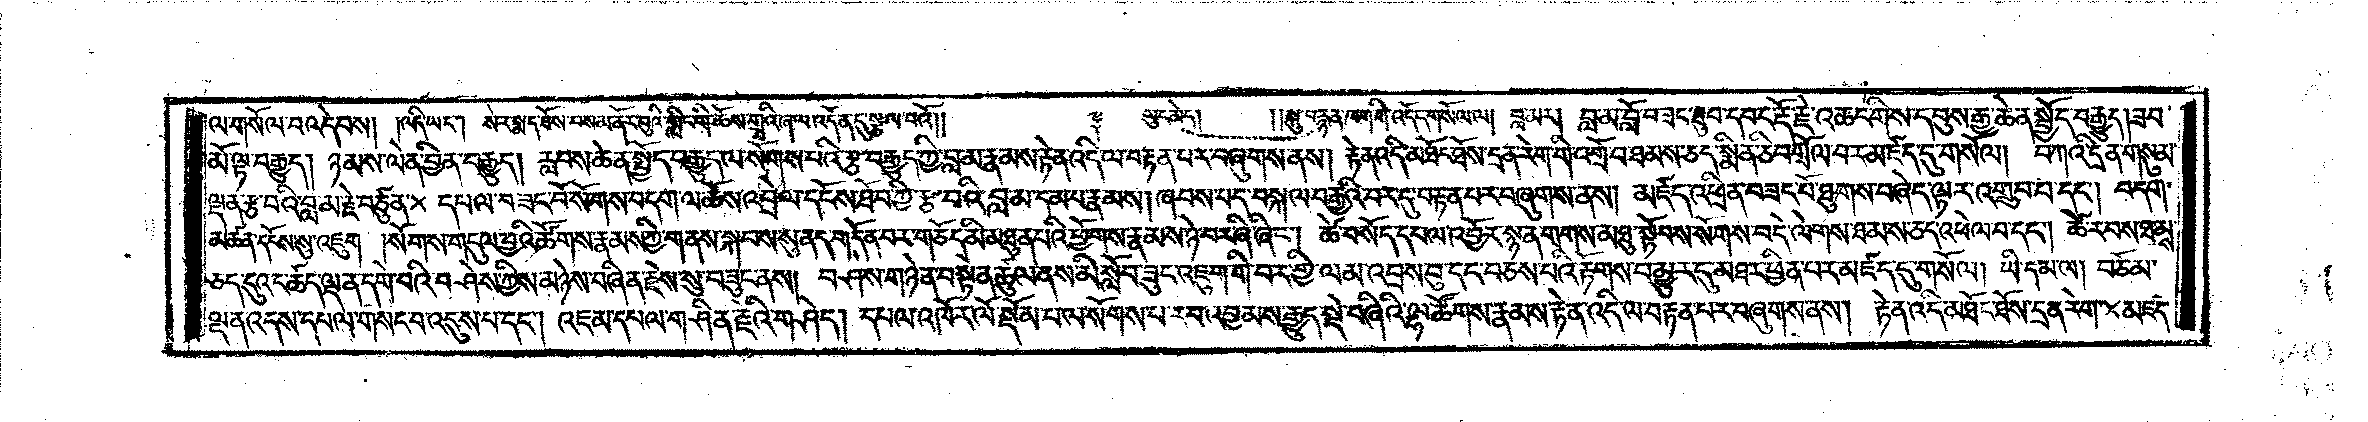ལ་གསོལ་བ་འདེབས། །འདི་ཡང་། སེར་སྨད་ཐོས་བསམ་ནོར་བུའི་གླིང་གི་ཆོས་གྲྭའི་ཞལ་འོན་དུ་སྩལ་བའོ།། ༈ ལུང་མེད། །།སྐུ་བརྙན་ཁག་གི་འདོད་གསོལ་ལ། བླ་མར།  བླ་མ་བློ་བཟང་ཐུབ་དབང་རྡོ་རྗེ་འཆང་གིས་དབུས་རྒྱ་ཆེན་སྦྱོད་བརྒྱུད། ཟབ་
མོ་ལྟ་བརྒྱུད། ཉམས་ལེན་བྱིན་བརྒྱུད། རླབས་ཆེན་སྤྱོད་བརྒྱུད་ལ་སོགས་པའི་རྩ་བརྒྱུད་ཀྱི་བླ་མ་རྣམས་རྟེན་འདི་ལ་བརྟན་པར་བཞུགས་ནས། རྟེན་འདི་མཐོང་ཐོས་དྲན་རེག་གི་འགྲོ་བ་ཐམས་ཅད་སྨིན་ཅི་བགྲོལ་བར་མཛད་དུ་གསོལ། བཀའ་དྲིན་གསུམ་
ལྡན་རྩ་བའི་བླ་མ་རྗེ་བཙུན་྾་དཔལ་བཟང་པོ་སོགས་བདག་ལ་ཆོས་འབྲེལ་དངོས་ཐོབ་ཀྱི་རྩ་བའི་བླ་མ་དམ་པ་རྣམས། ཞབས་པད་བསྐལ་བརྒྱའི་བར་དུ་བརྟན་པར་བཞུགས་ནས། མཛད་འཕྲིན་བཟང་པོ་ཐུགས་བཞེད་ལྟར་འགྲུབ་པ་དང་། བདག་
མཚན་དངོས་སུ་འཇུག །སོགས་གདུལ་བྱའི་ཚོགས་རྣམས་ཀྱི་གནས་སྐབས་སུན་དག་དོན་པར་གཅོད་མི་མཐུན་པའི་ཧྤྱོགས་རྣམས་ཉེ་བར་ཞི་ཞིང་། ཚེ་བསོད་དཔལ་འབྱོར་སྙན་གགས་མཐུ་སྟོབས་སོགས་བདེ་ལེགས་ཐམས་ཅད་འཕེལ་བ་དང་། ཚེ་རབས་ཐམས་
ཅད་དུའང་ཚད་ལྡན་དགེ་བའི་བཤེས་ཀྱིས་མཉེས་བཞིན་རྗེས་སུ་བཟུང་ནས། བཤེས་གཉེན་བསྟེན་ཚུལ་ནས་མི་སློབ་ཟུང་འཇུག་གི་བར་གྱི་ལམ་འབྲས་བུ་དན་བཅས་པའི་རྟོགས་པ་མྱུར་དུ་མཐར་ཕྱིན་པར་མཛད་དུ་གསོལ། ཡི་དམ་ལ། བཅོམ་
ལྡན་འདས་དཔལ་གསང་བ་འདུས་པ་དང་། འཇམ་དཔལ་གཞིན་རྗེའི་གཤེད། དཔལ་འཁོར་ལོ་སྡོམ་པ་ལ་སོགས་པ་རབ་འབྱམས་རྒྱུད་སྡེ་བཞིའི་ལྷ་ཚོགས་རྣམས་རྟེན་འདི་ལ་བརྟན་པར་བཞུགས་ནས། རྟེན་འདི་མཐོང་ཐོས་དྲན་རེག་྾་མཛད་